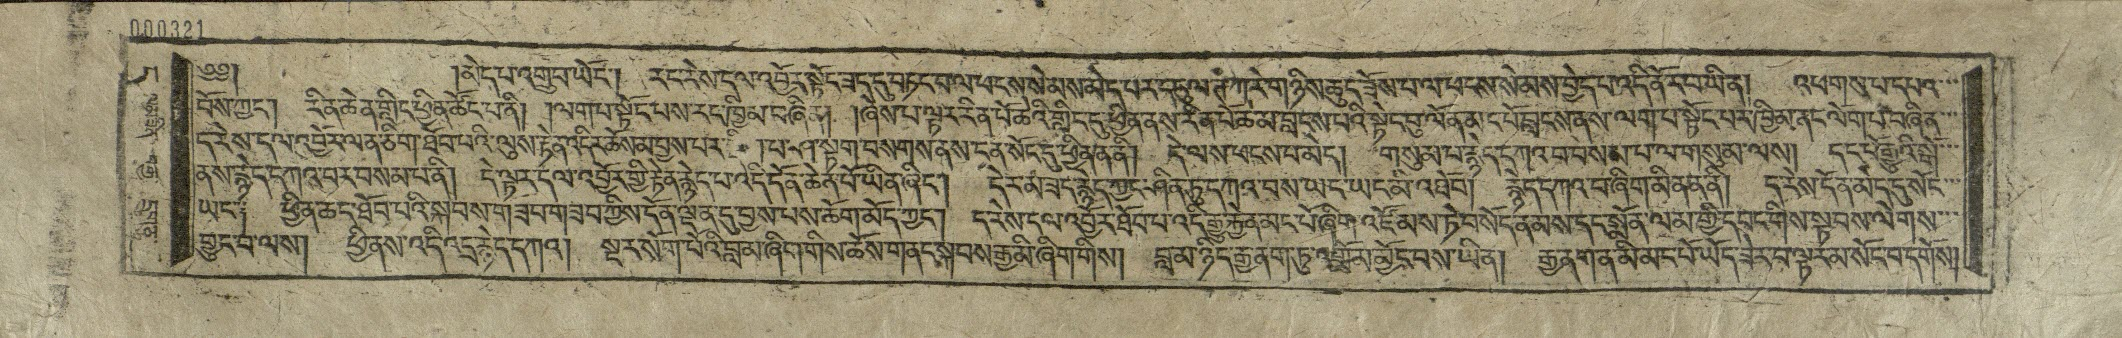༄༅། །མེད་པ་འགྲུབ་ཡོང་། རང་རེས་དལ་འབྱོར་སྟོང་ཟད་དུ་བཏང་བ་ལ་ཕངས་སེམས་མེད་པར་དངུལ་ཊཾ་ཀ་རེ་གཉིས་ཆུད་ཟོས་པ་ལ་ཕངས་སེམས་བྱེད་པ་འདི་ནོར་བ་ཡིན། འཕགས་པ་དཔའ་
བོས་ཀྱང་། རིན་ཆེན་གླིང་ཕྱིན་ཚོང་པ་ནི། །ལག་པ་སྟོང་པས་རང་ཁྱིམ་བཞིན། །ཞེས་པ་ལྟར་རིན་པོ་ཆེའི་གླིང་དུ་ཕྱིན་ནས་རིན་པོ་ཆེ་མ་བླངས་པའི་སྟེང་བུ་ལོན་མང་པོ་བླངས་ནས་ལག་པ་སྟོང་པར་ཁྱིམ་ནང་ལོག་པ་བཞིན་
ད་རེས་དལ་འབྱོར་ལན་ཅིག་ཐོབ་པའི་ལུས་རྟེན་འདིར་ཆོས་མ་བྱས་པར་སྡིག་པ་ཤ་སྟག་བསགས་ནས་ངན་སོང་དུ་ཕྱིན་ན་ནི། དེ་ལས་ཕངས་པ་མེད། གསུམ་པ་རྙེད་དཀའ་བ་བསམ་པ་ལ་གསུམ་ལས། དང་པོ་རྒྱུའི་སྒོ་
ནས་རྙེད་དཀའ་བར་བསམ་པ་ནི། དེ་ལྟར་དལ་འབྱོར་གྱི་རྟེན་རྙེད་པ་འདི་དོན་ཆེན་པོ་ཡིན་ཞིང་། དེར་མ་ཟད་རྙེད་ཀྱང་ཤིན་ཏུ་དཀའ་བས་ཡང་ཡང་མི་འཐོབ། རྙེད་དཀའ་བ་ཞིག་མིན་ན་ནི། ད་རེས་དོན་མེད་དུ་སོང་
ཡང༑ ཕྱིན་ཆད་ཐོབ་པའི་སྐབས་གཟབ་གཟབ་ཀྱིས་དོན་ལྡན་དུ་བྱས་པས་ཆོག་མོད་ཀྱང་། ད་རེས་དལ་འབྱོར་ཐོབ་པ་འདི་རྒྱུ་རྐྱེན་མང་པོ་ཞིག་འཛོམས་ཏེ་བསོད་ནམས་དང་སྨོན་ལམ་གྱི་དབང་གིས་སྟབས་ལེགས་
བྱུང་བ་ལས། ཕྱི་ནས་འདི་འདྲ་རྙེད་དཀའ། སྔར་སོག་པོའི་བླ་མ་ཞིག་གིས་ཆོས་གནང་སྐབས་རྒྱ་མི་ཞིག་གིས། བླ་མ་ཉིད་རྒྱ་ནག་ཏུ་འགྲོ་མ་མྱོང་བས་ཡིན། རྒྱ་ནག་ན་མི་མང་པོ་ཡོད་ཟེར་བ་ལྟར་མ་སོང་བ་དགོས།